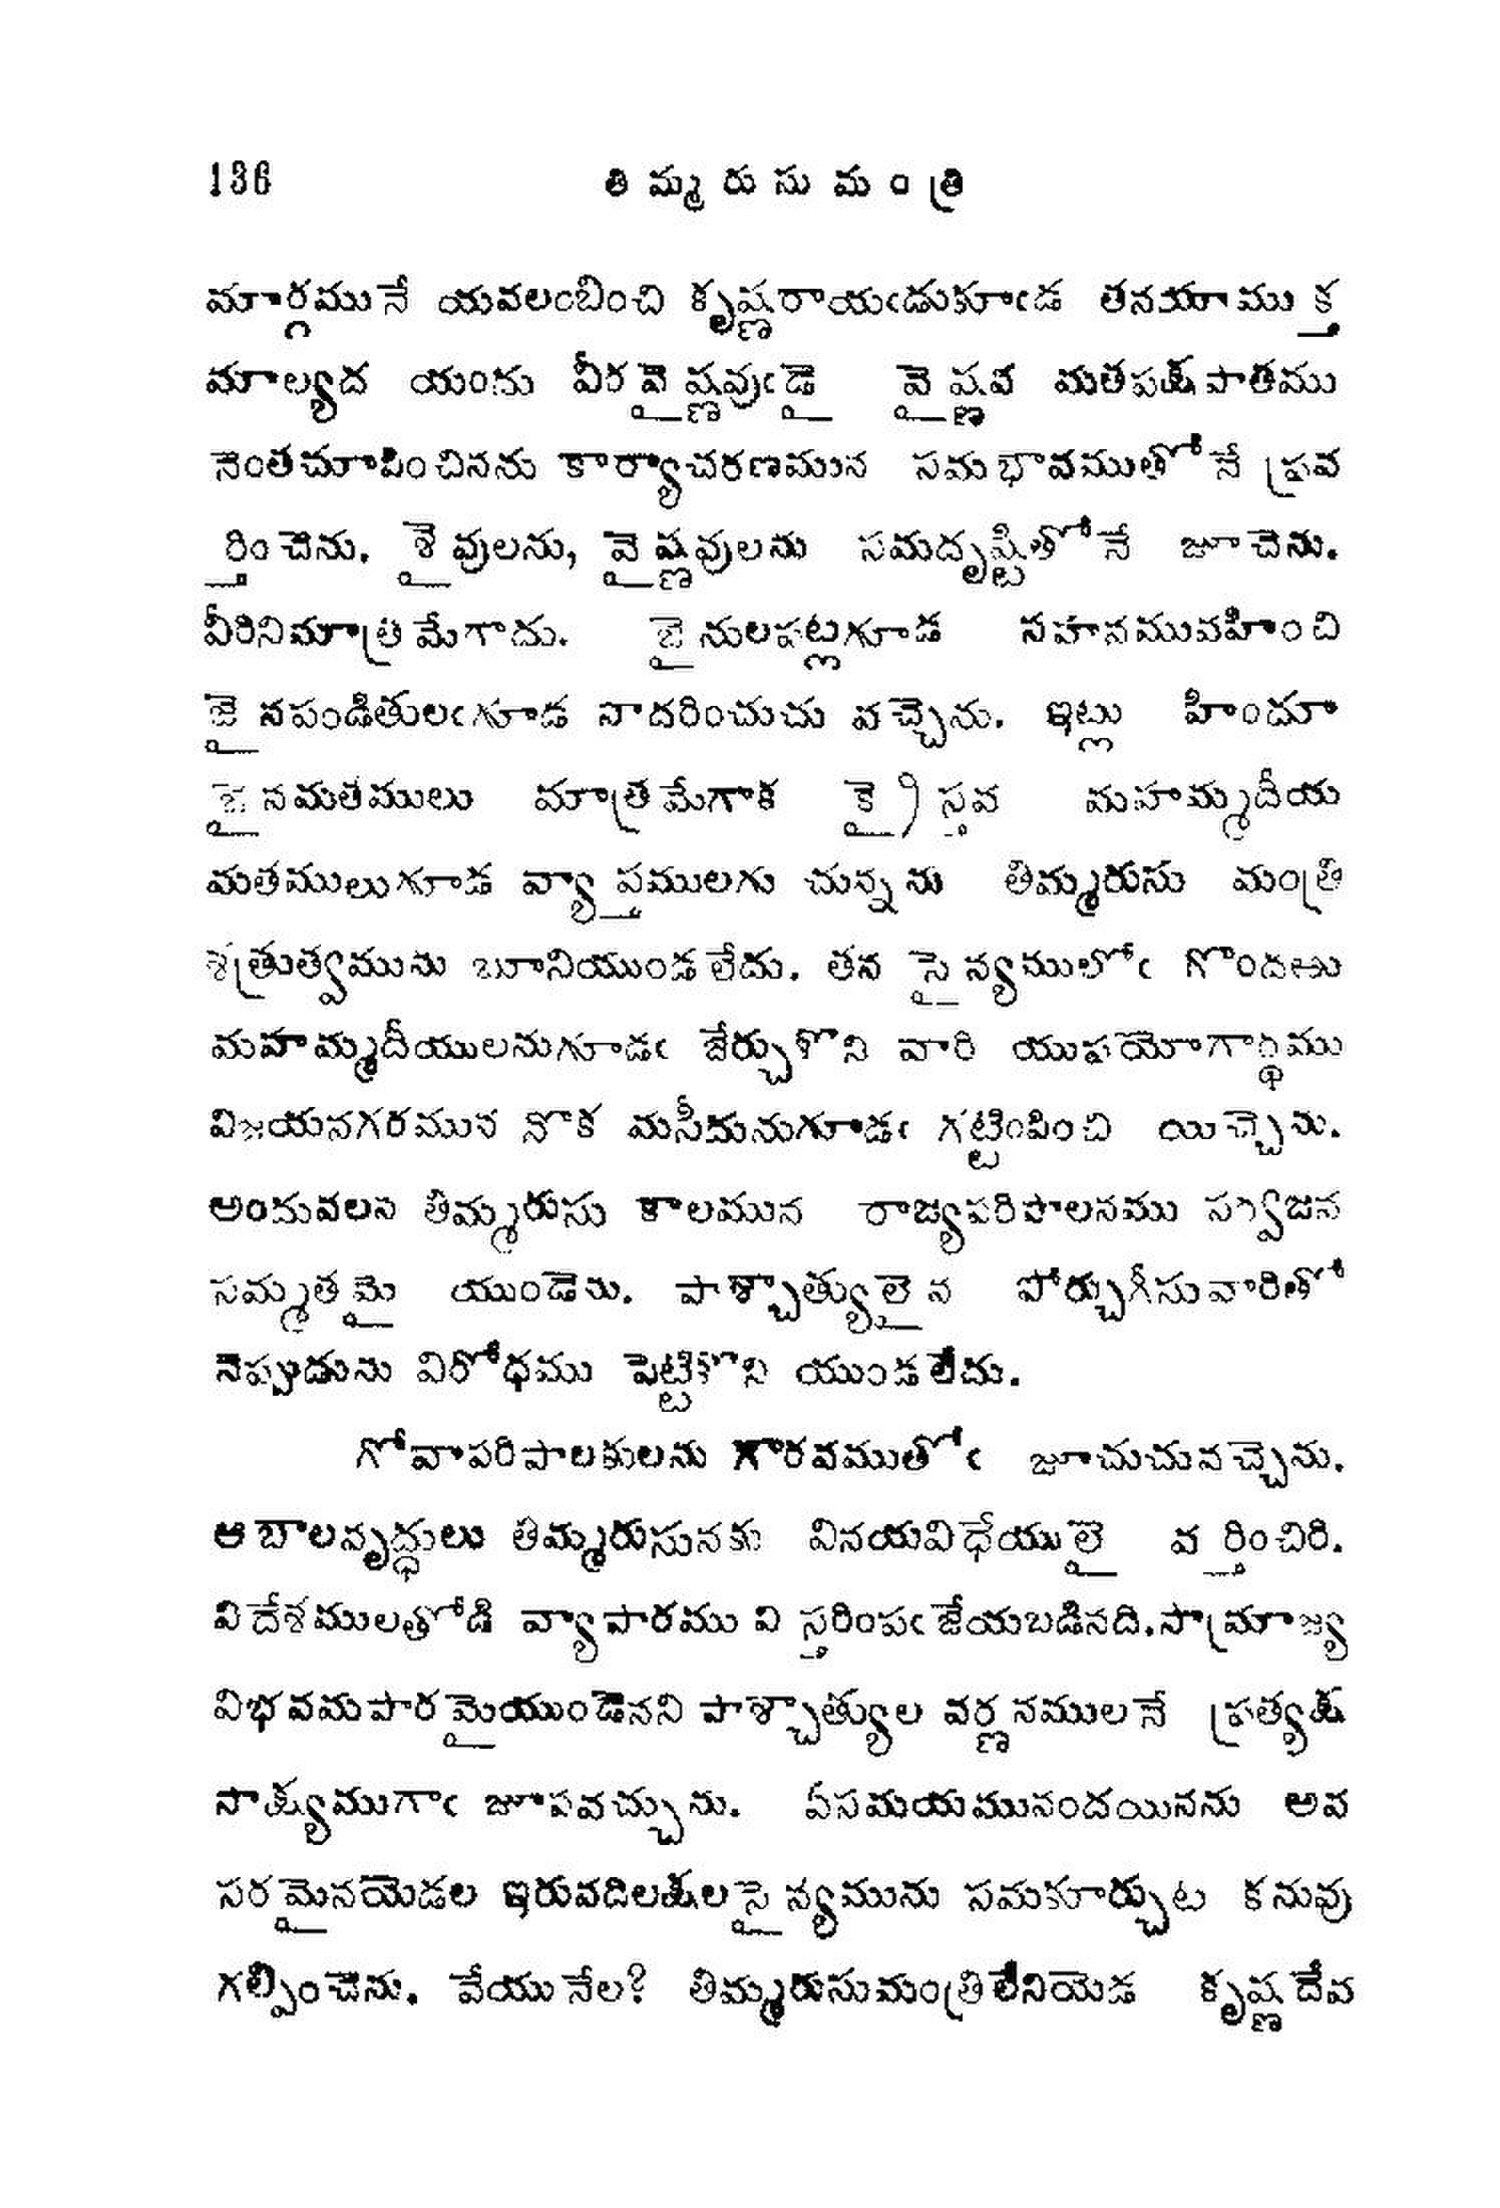మార్గమునే యవలంబించి కృష్ణరాయఁడుకూఁడ తనయాముక్తమాల్యద యందు వీరవైష్ణవుఁడై వైష్ణవ మతపక్షపాతము నెంతచూపించినను కార్యాచరణమున సమభావముతోనే ప్రవర్తించెను. శైవులను, వైష్ణవులను సమదృష్టితోనే జూచెను. వీరినిమాత్రమేగాదు. జైనులపట్లగూడ సహనమువహించి జైనపండితులఁగూడ నాదరించుచు వచ్చెను. ఇట్లు హిందూ జైనమతములు మాత్రమేగాక క్రైస్తవ మహమ్మదీయ మతములుగూడ వ్యాప్తములగు చున్నను తిమ్మరుసు మంత్రి శత్రుత్వమును బూనియుండలేదు. తన సైన్యములోఁ గొందఱు మహమ్మదీయులనుగూడఁ జేర్చుకొని వారి యుపయోగార్థము విజయనగరమున నొక మసీదునుగూడఁ గట్టింపించి యిచ్చెను. అందువలన తిమ్మరుసు కాలమున రాజ్యపరిపాలనము సర్వజన సమ్మతమై యుండెను. పాశ్చాత్యులైన పోర్చుగీసువారితో నెప్పుడును విరోధము పెట్టికొని యుండలేదు.

గోవాపరిపాలకులను గారవముతోఁ జూచుచువచ్చెను. ఆబాలవృద్ధులు తిమ్మరుసునకు వినయవిధేయులై వర్తించిరి. విదేశములతోడి వ్యాపారము విస్తరింపఁజేయబడినది. సామ్రాజ్య విభవమపారమైయుండెనని పాశ్చాత్యుల వర్ణనములనే ప్రత్యక్ష సాక్ష్యముగాఁ జూపవచ్చును. ఏసమయమునందయినను అవసరమైనయెడల ఇరువదిలక్షలసైన్యమును సమకూర్చుట కనువు గల్పించెను. వేయునేల? తిమ్మరుసుమంత్రిలేనియెడ కృష్ణదేవ